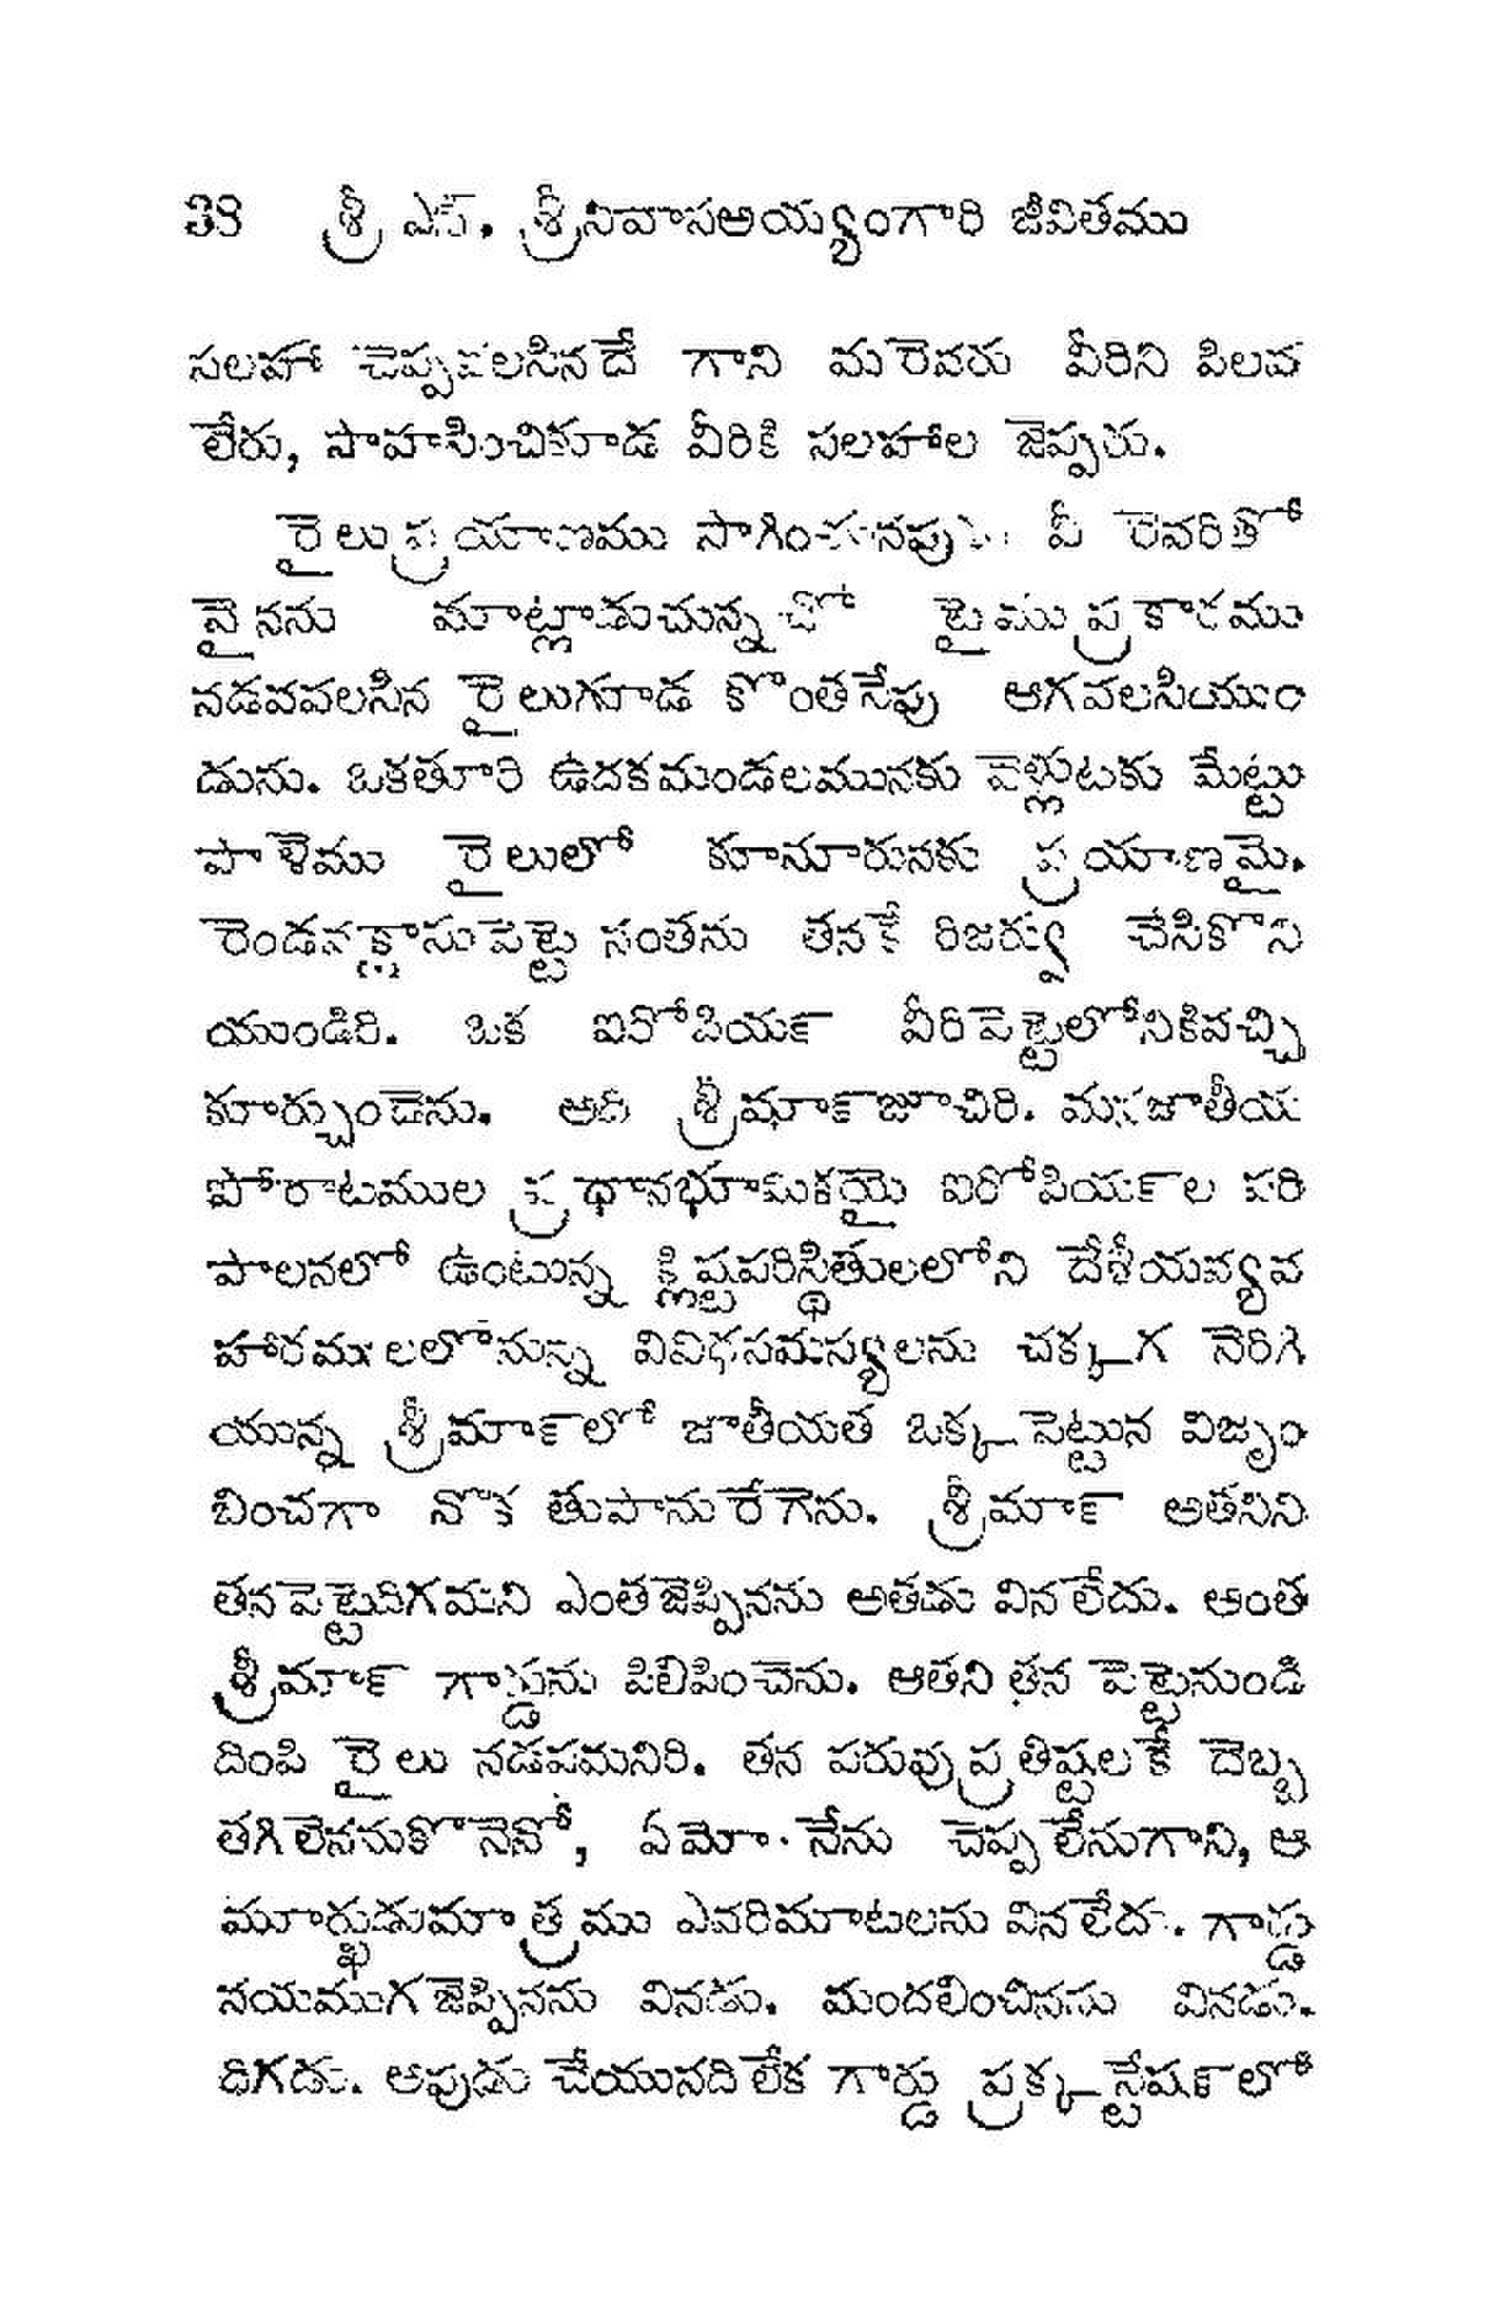సలహా చెప్పవలసినదే గాని మరెవరు వీరిని పిలవలేరు, సాహసించికూడ వీరికి సలహాల జెప్పరు.

రైలుప్రయాణము సాగించునపుడు వీ రెవరితోనైనను మాట్లాడుచున్నచో టైముప్రకారము నడవవలసిన రైలుగూడ కొంతసేపు ఆగవలసియుండును. ఒకతూరి ఉదకమండలమునకు వెళ్లుటకు మేట్టుపాళెము రైలులో కూనూరునకు ప్రయాణమై, రెండవక్లాసుపెట్టె నంతను తనకే రిజర్వు చేసికొని యుండిరి. ఒక ఐరోపియ౯ వీరిపెట్టెలోనికివచ్చి కూర్చుండెను. అది శ్రీమా౯జూచిరి. మనజాతీయ పోరాటముల ప్రధానభూమికయై ఐరోపియ౯ల పరిపాలనలో ఉంటున్న క్లిష్టపరిస్థితులలోని దేశీయవ్యవహారములలోనున్న వివిధసమస్యలను చక్కగ నెరిగియున్న శ్రీమా౯లో జాతీయత ఒక్క పెట్టున విజృంబించగా నొక తుపానురేగెను. శ్రీమా౯ అతనిని తనపెట్టెదిగమని ఎంతజెప్పినను అతడు వినలేదు. అంత శ్రీమా౯ గార్డును పిలిపించెను. అతని తన పెట్టెనుండి దింపి రైలు నడపమనిరి. తన పరువుప్రతిష్టలకే దెబ్బ తగిలెననుకొనెనో, ఏమో నేను చెప్పలేనుగాని, ఆ మూర్ఖుడుమాత్రము ఎవరిమాటలను వినలేదు. గార్డు నయముగజెప్పినను వినడు. మందలించినను వినడు. దిగడు. అపుడు చేయునదిలేక గార్డు ప్రక్కస్టేష౯లో